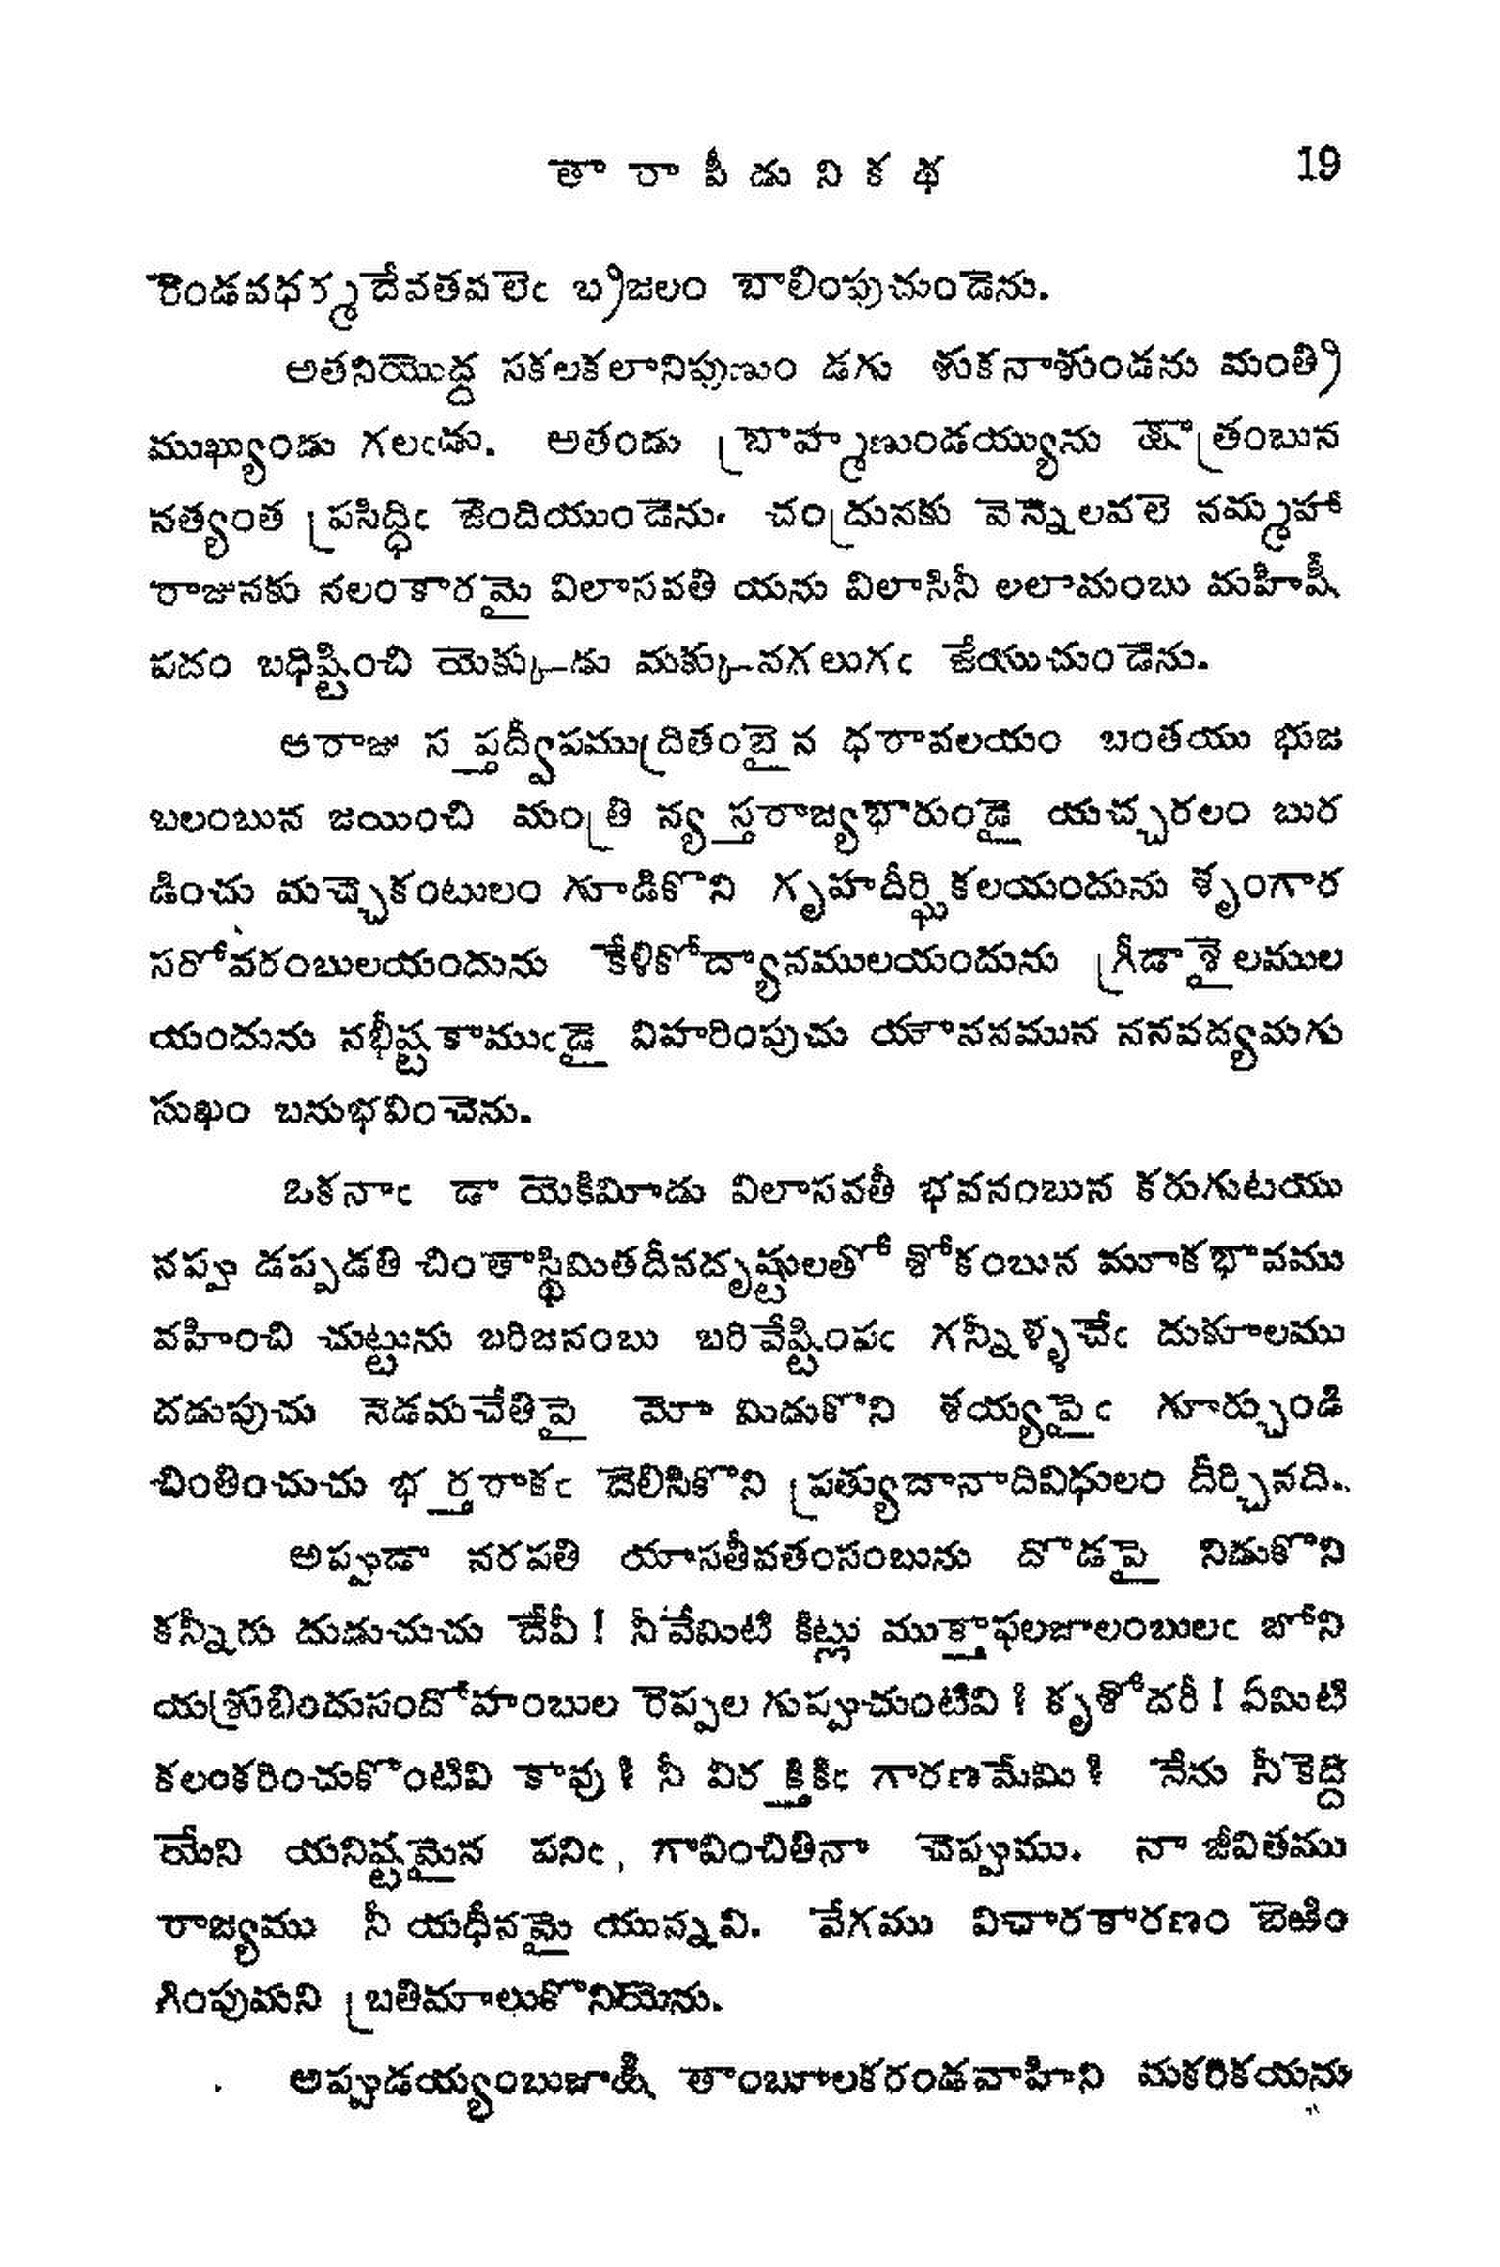రెండవధర్మదేవతవలెఁ బ్రజలం బాలింపుచుండెను.

అతనియొద్ద సకలకలానిపుణుం డగు శుకనాశుండను మంత్రి ముఖ్యుండు గలఁడు. అతండు బ్రాహ్మణుండయ్యును క్షాత్రంబున నత్యంత ప్రసిద్ధిఁ జెందియుండెను. చంద్రునకు వెన్నెలవలె నమ్మహారాజునకు నలంకారమై విలాసవతి యను విలాసినీ లలామంబు మహిషీ పదం బధిష్టించి యెక్కుడు మక్కువగలుగఁ జేయుచుండెను.

ఆరాజు సప్తద్వీపముద్రితంబైన ధరావలయం బంతయు భుజబలంబున జయించి మంత్రి న్యస్తరాజ్యభారుండై యచ్చరలం బురడించు మచ్చెకంటులం గూడికొని గృహదీర్ఘికలయందును శృంగార సరోవరంబులయందును కేళికోద్యానములయందును గ్రీడాశైలముల యందును నభీష్టకాముఁడై విహరింపుచు యౌవనమున ననవద్యమగు సుఖం బనుభవించెను.

ఒకనాఁ డా యెకిమీడు విలాసవతీ భవనంబున కరుగుటయు నప్పు డప్పడతి చింతాస్థిమితదీనదృష్టులతో శోకంబున మూకభావము వహించి చుట్టును బరిజనంబు బరివేష్టింపఁ గన్నీళ్ళచేఁ దుకూలము దడుపుచు నెడమచేతిపై మో మిడుకొని శయ్యపైఁ గూర్చుండి చింతించుచు భర్తరాకఁ దెలిసికొని ప్రత్యుదానాదివిధులం దీర్చినది.

అప్పుడా నరపతి యాసతీవతంసంబును దొడపై నిడుకొని కన్నీరు దుడుచుచు దేవీ! నీ'వేమిటి కిట్లు' ముక్తాఫలజాలంబులఁ బోని యశ్రుబిందుసందోహంబుల రెప్పల గుప్పుచుంటివి? కృశోదరీ! ఏమిటి కలంకరించుకొంటివి కావు? నీ విరక్తికిఁ గారణమేమి? నేను నీకెద్దియేని యనిష్టమైన పనిఁ, గావించితినా చెప్పుము. నా జీవితము రాజ్యము నీ యధీనమై యున్నవి. వేగము విచారకారణం బెఱింగింపుమని బ్రతిమాలుకొనియెను.

అప్పుడయ్యంబుజాక్షి తాంబూలకరండవాహిని మకరికయను